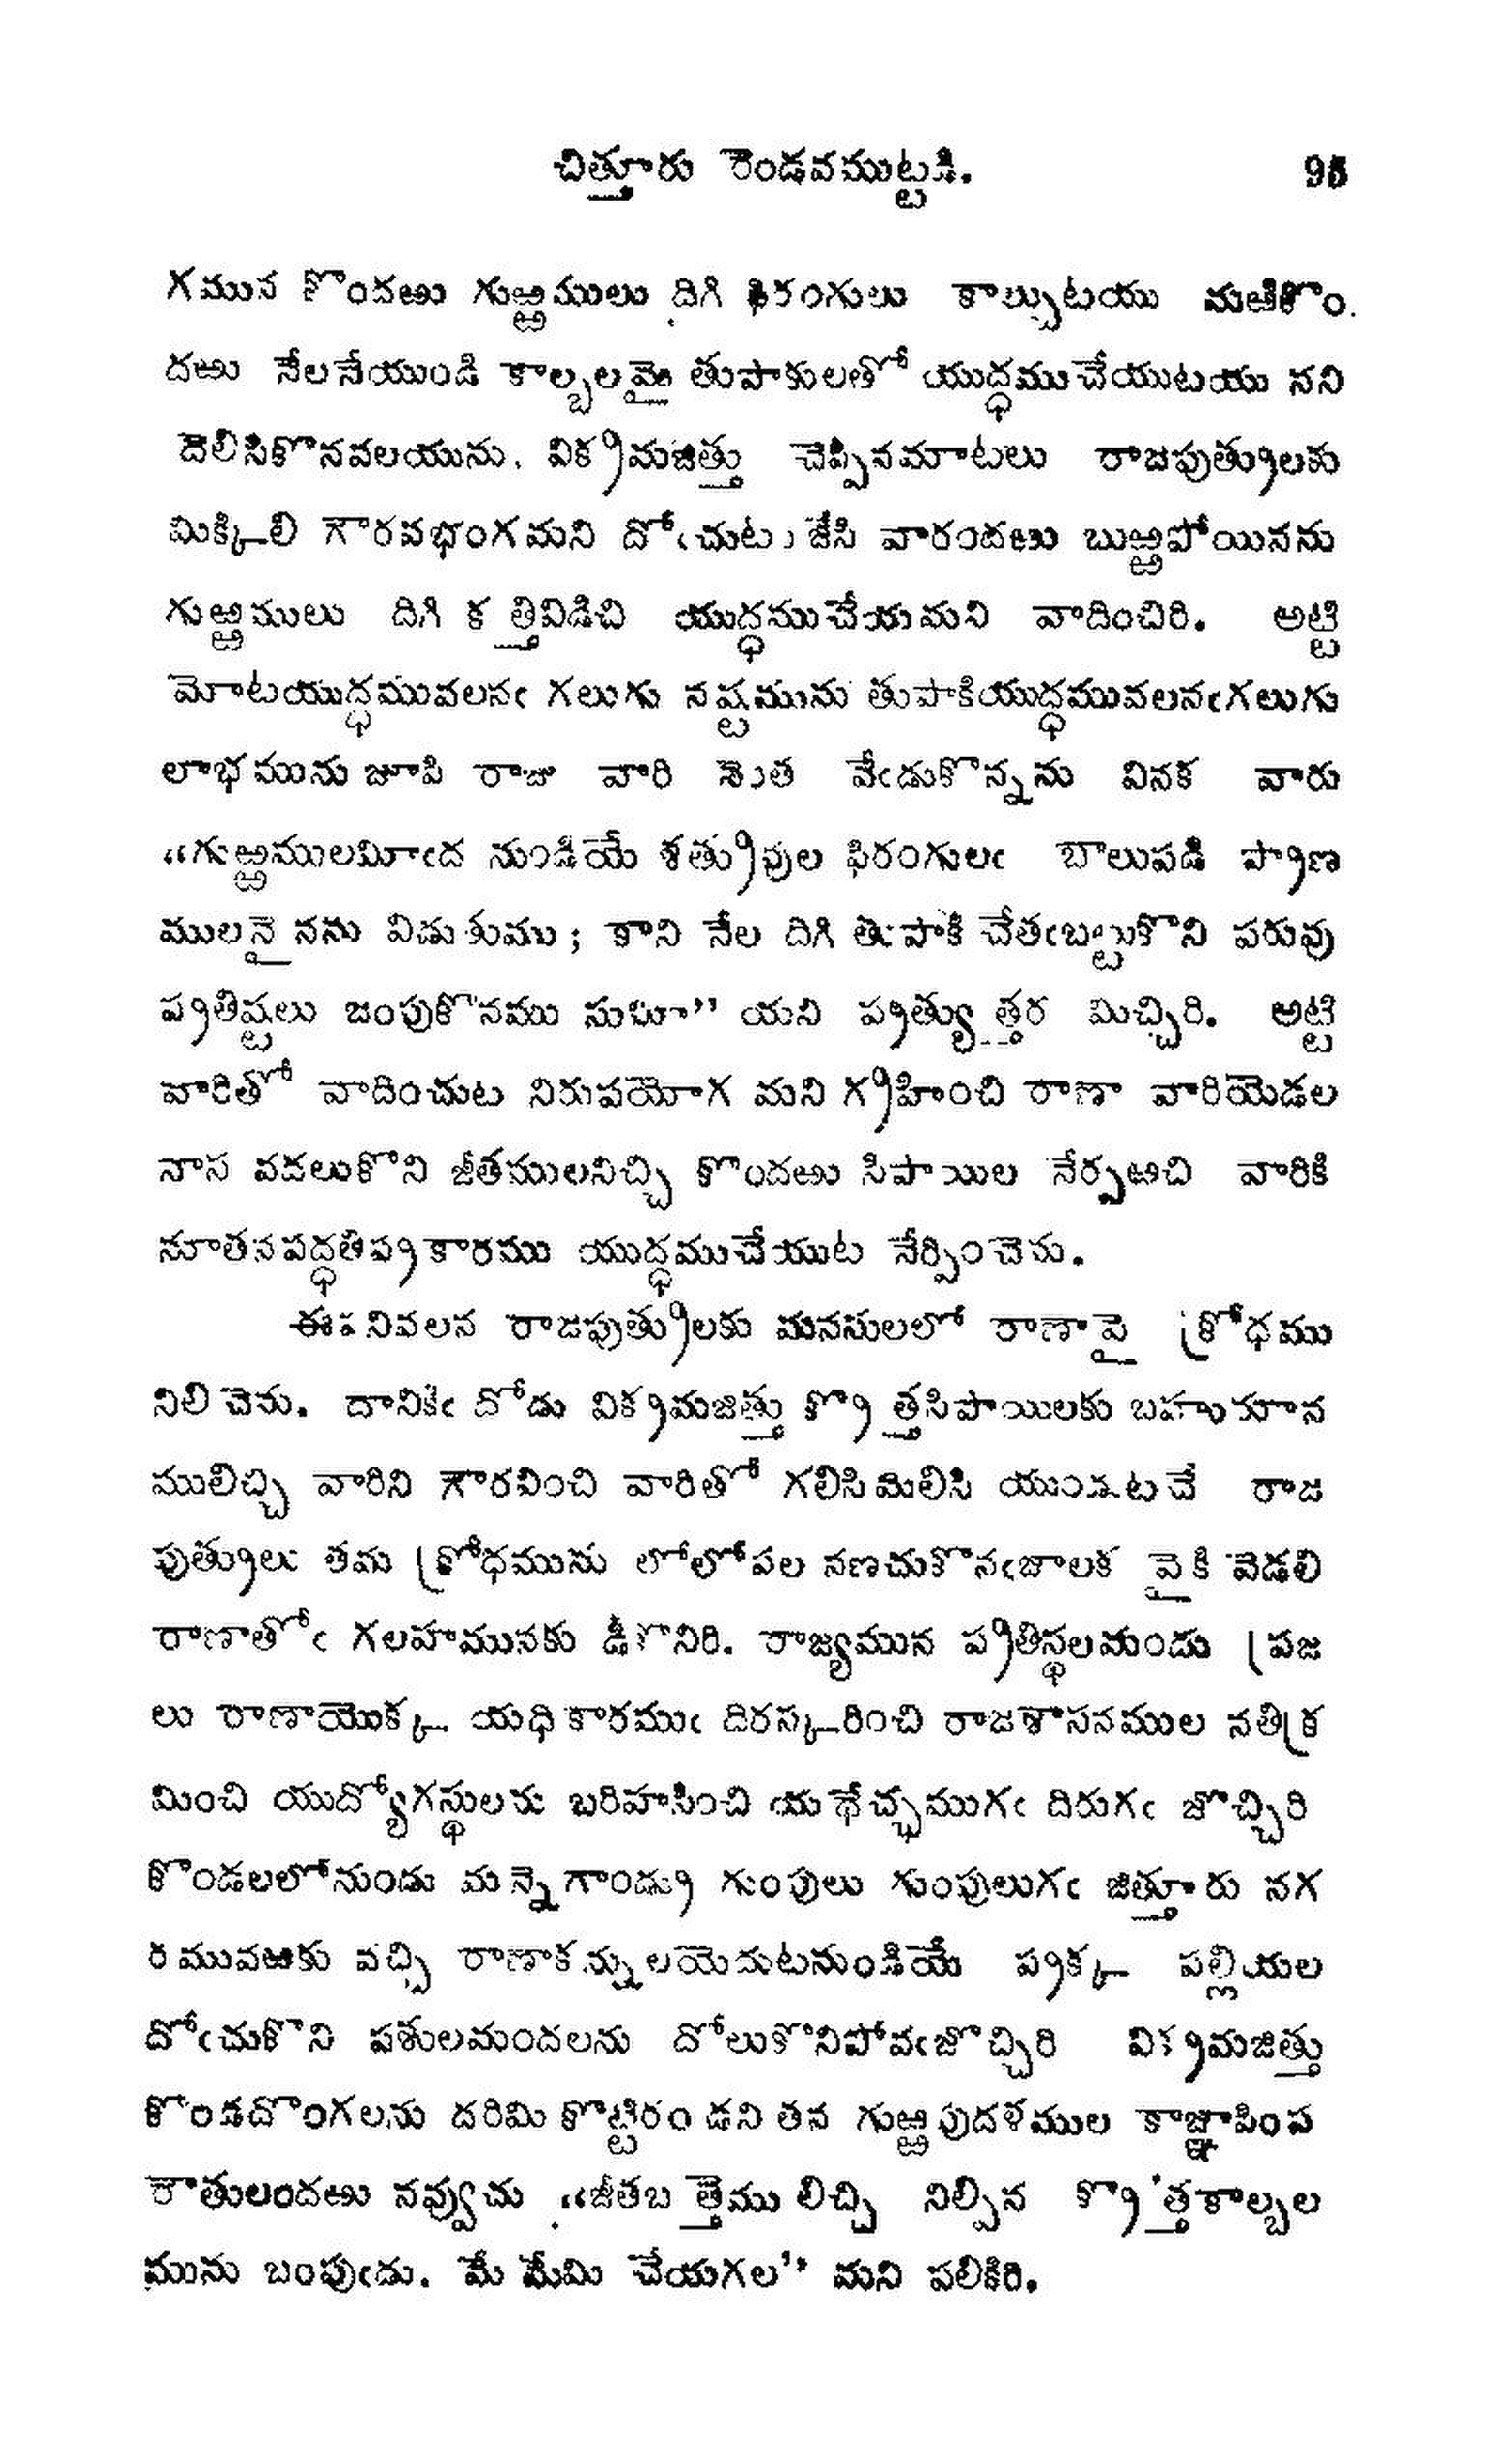గమున కొందఱు గుఱ్ఱములు దిగి ఫిరంగులు కాల్చుటయు మణికొందఱు నేలనేయుండి కాల్బలమై తుపాకులతో యుద్ధము చేయుటయు నని దెలిసికొనవలయును. విక్రమజిత్తు చెప్పిన మాటలు రాజపుత్రులకు మిక్కిలి గౌరవ భంగమని దోఁచుటఁ జేసి వారందఱు బుఱ్ఱపోయినను గుఱ్ఱములు దిగి కత్తివిడిచి యుద్ధము చేయమని వాదించిరి. అట్టి మోట యుద్ధమువలనఁ గలుగు నష్టమును తుపాకి యుద్ధమువలనఁగలుగు లాభమును జూపి రాజు వారి నెంత వేఁడుకొన్నను వినక వారు “గుఱ్ఱములమీఁద నుండియే శత్రువుల ఫిరంగులం బాలుపడి ప్రాణములనై నను విడుతుము; కాని నేల దిగి తుపాకి చేతఁబట్టుకొని పరువు ప్రతిష్టలు బంపుకొనము సుమీ" యని ప్రత్యుత్తర మిచ్చిరి. అట్టి వారితో వాదించుట నిరుపయోగ మని గ్రహించి రాణా వారియెడల నాస వదలుకోని జీతములనిచ్చి కొందఱు సిపాయిల నేర్పఱచి వారికి నూతన పద్ధతి ప్రకారము యుద్ధము చేయుట నేర్పించెను.

ఈ పనివలన రాజపుత్రులకు మనసులలో రాణా పై క్రోధము నిలిచెను. దానికిఁ దోడు విక్రమజిత్తు కొత్త సిపాయిలకు బహుమానములిచ్చి వారిని గౌరవించి వారితో గలిసి మెలిసి యుండుటచే రాజపుత్రులు తమ క్రోధమును లోలోపల నణచుకొనఁజాలక పైకి వెడలి రాణాతోఁ గలహమునకు డీకొనిరి. రాజ్యమున ప్రతిస్థలమందు ప్రజలు రాణాయొక్క, యధి కారముఁ దిరస్కరించి రాజశాసనముల నతిక్రమించి యుద్యోగస్థులను బరిహసించి యథేచ్ఛముగఁ దిరుగఁ జొచ్చిరి కొండలలోనుండు మన్నె గాండ్రు గుంపులు గుంపులుగఁ జిత్తూరు నగరమువఱకు వచ్చి రాణాకన్నులయెదుటనుండియే పక్క పల్లియల దోచుకొని పశులమందలను దోలుకొనిపోవఁజొచ్చిరి విక్రమజిత్తు కొండదొంగలను దరిమి కొట్టిరండని తన గుఱ్ఱపుదళముల కాజ్ఞాపింప రౌతులందఱు నవ్వుచు జీతబత్తెము లిచ్చి నిల్పిన కొత్తకాల్బలమును బంపుఁడు. మేమేమి చేయగల" మని పలికిరి,